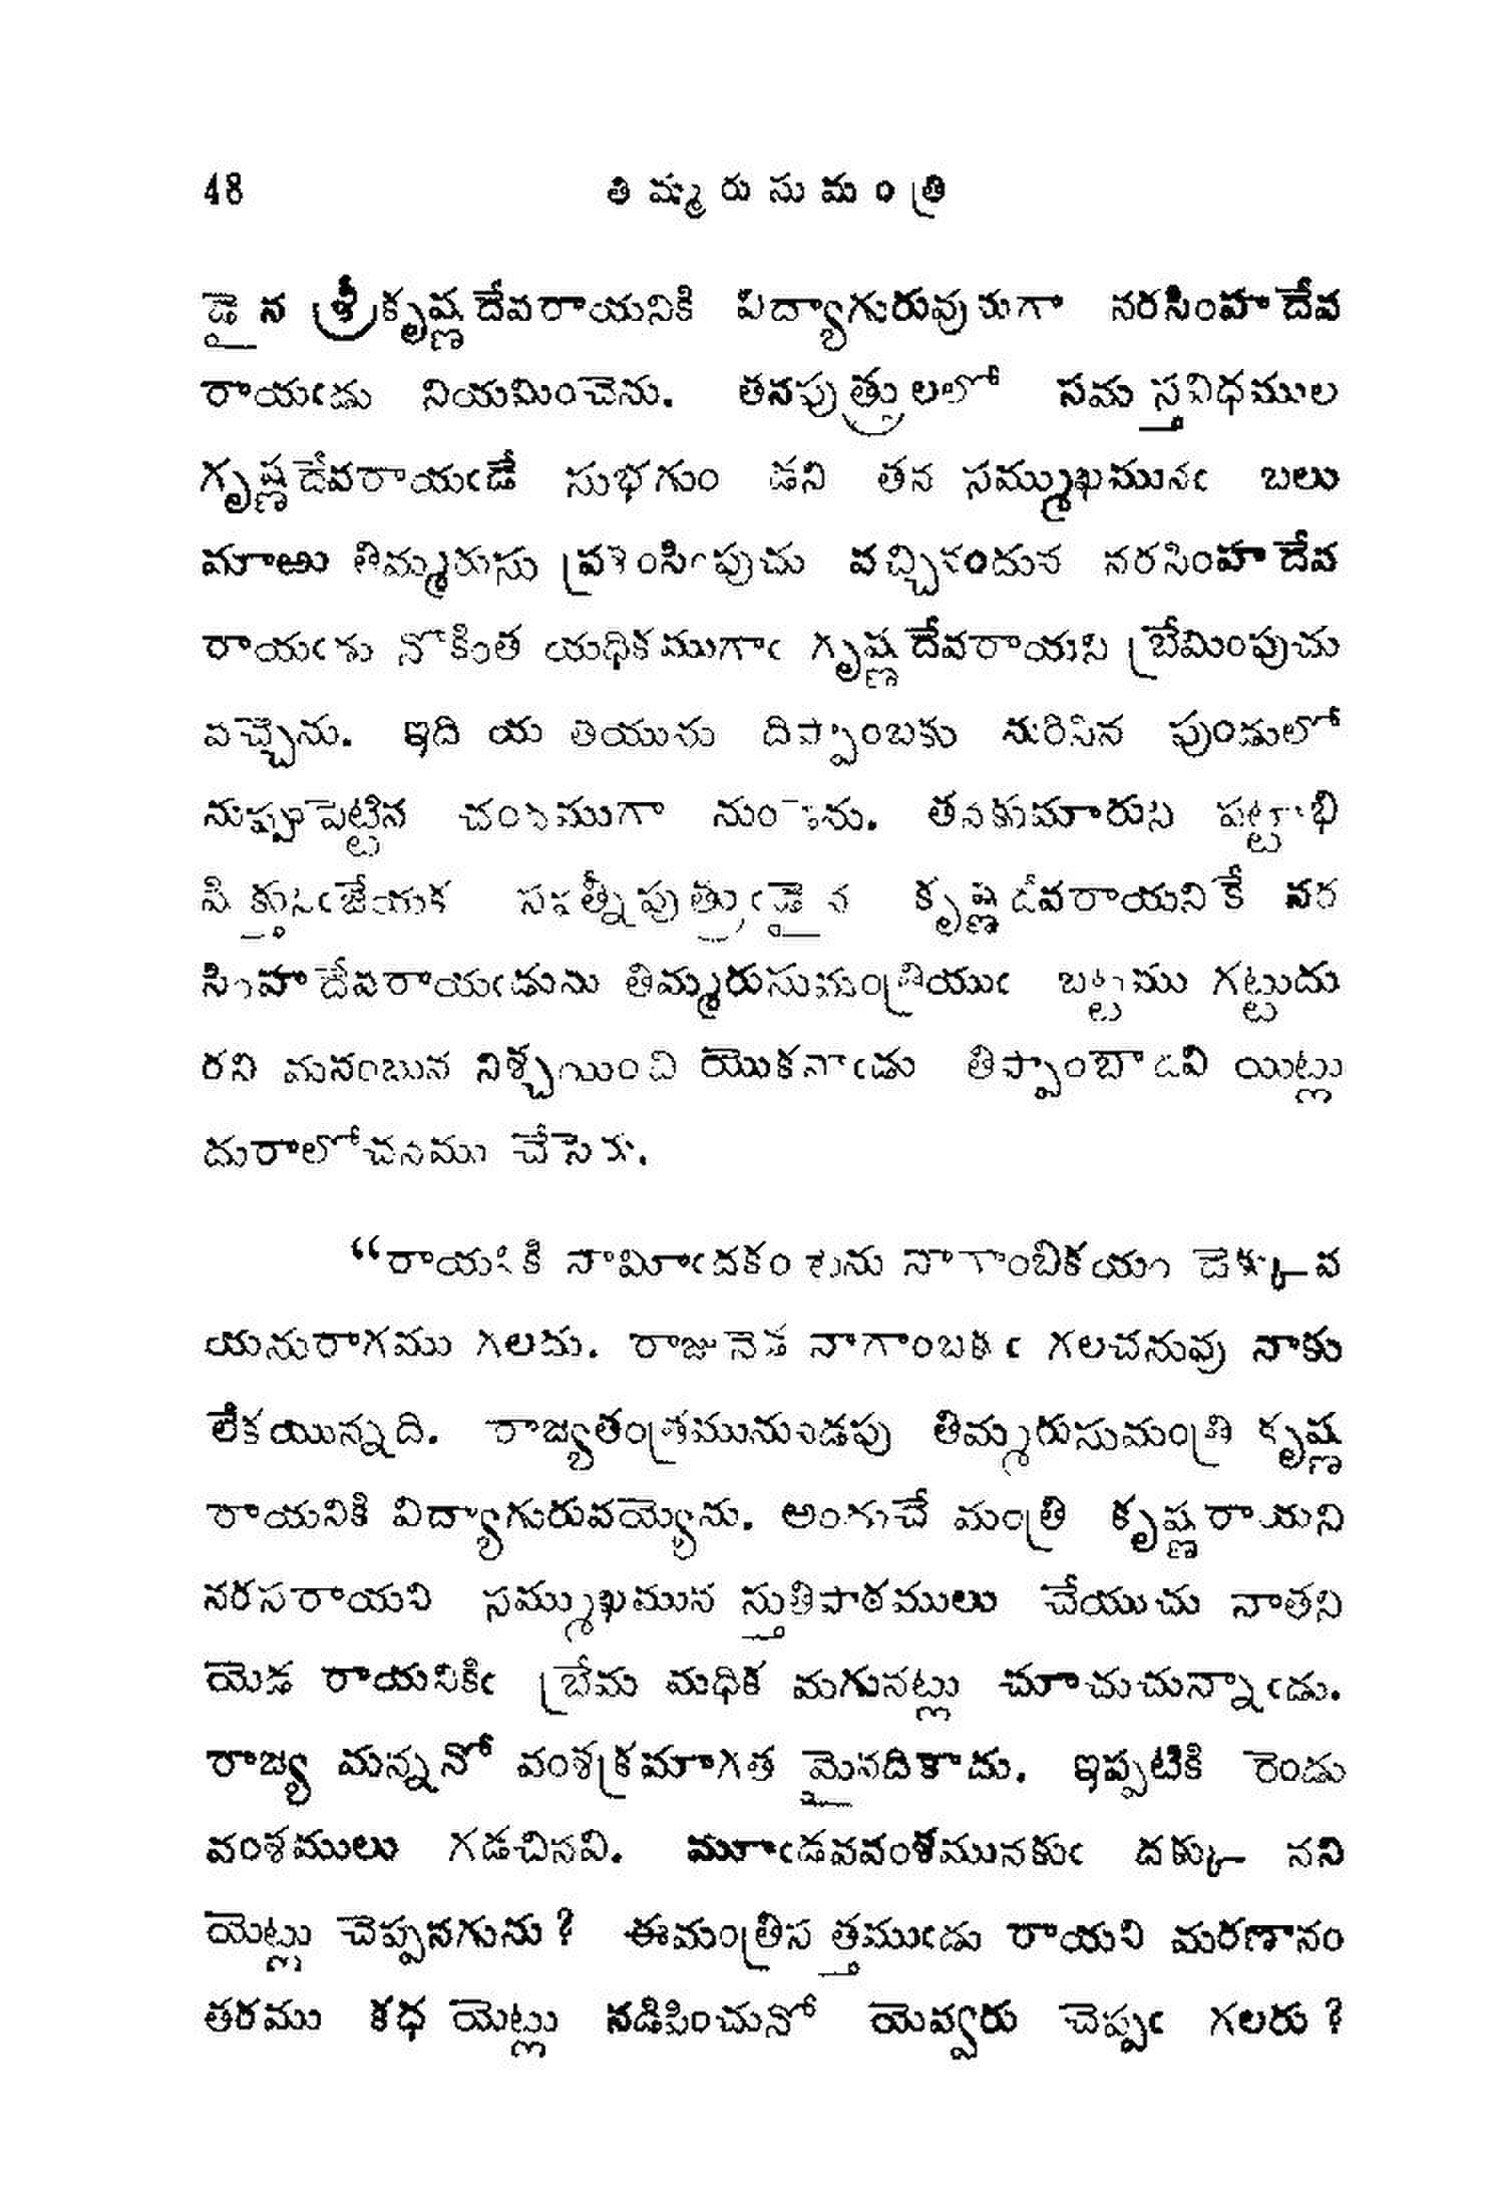డైన శ్రీకృష్ణదేవరాయనికి విద్యాగురువునుగా సరసింహదేవరాయఁడు నియమించెను. తనపుత్రులలో సమస్తవిధముల గృష్ణదేవరాయఁడే సుభగుం డని తన సమ్ముఖమునఁ బలుమాఱు తిమ్మరుసు ప్రశంసింపుచు వచ్చినందున నరసింహదేవరాయఁడు నొకింత యధికముగాఁ గృష్ణదేవరాయని బ్రేమింపుచు వచ్చెను. ఇది యంతయును దిప్పాంబకు నురిసిన పుండులో నుప్పుపెట్టిన చందముగా నుండెను. తనకుమారుని పట్టాభిషిక్తునిఁజేయక సపత్నీపుత్రుఁడైన కృష్ణదేవరాయనికే నరసింహదేవరాయఁడును తిమ్మరుసుమంత్రియుఁ బట్టము గట్టుదురని మనంబున నిశ్చయించి యొకనాడు తిప్పాంబాదేవి యిట్లు దురాలోచనము చేసెను.

"రాయనికి నామీదఁకంటెను నాగాంబికయం దెక్కువ యనురాగము గలదు. రాజునెడ నాగాంబకుఁ గలచనువు నాకు లేకయున్నది. రాజ్యతంత్రమునునడపు తిమ్మరుసుమంత్రి కృష్ణరాయనికి విద్యాగురువయ్యెను. అందుచే మంత్రి కృష్ణరాయని సరసరాయని సమ్ముఖమున స్తుతిపాఠములు చేయుచు నాతనియెడ రాయనికిఁ బ్రేమ మధిక మగునట్లు చూచుచున్నాఁడు. రాజ్య మన్ననో వంశక్రమాగత మైనదికాదు. ఇప్పటికి రెండు వంశములు గడచినవి. మూఁడవవంశమునకుఁ దక్కు నని యెట్లు చెప్పనగును? ఈమంత్రిసత్తముఁడు రాయని మరణానంతరము కధ యెట్లు నడిపించునో యెవ్వరు చెప్పఁ గలరు?